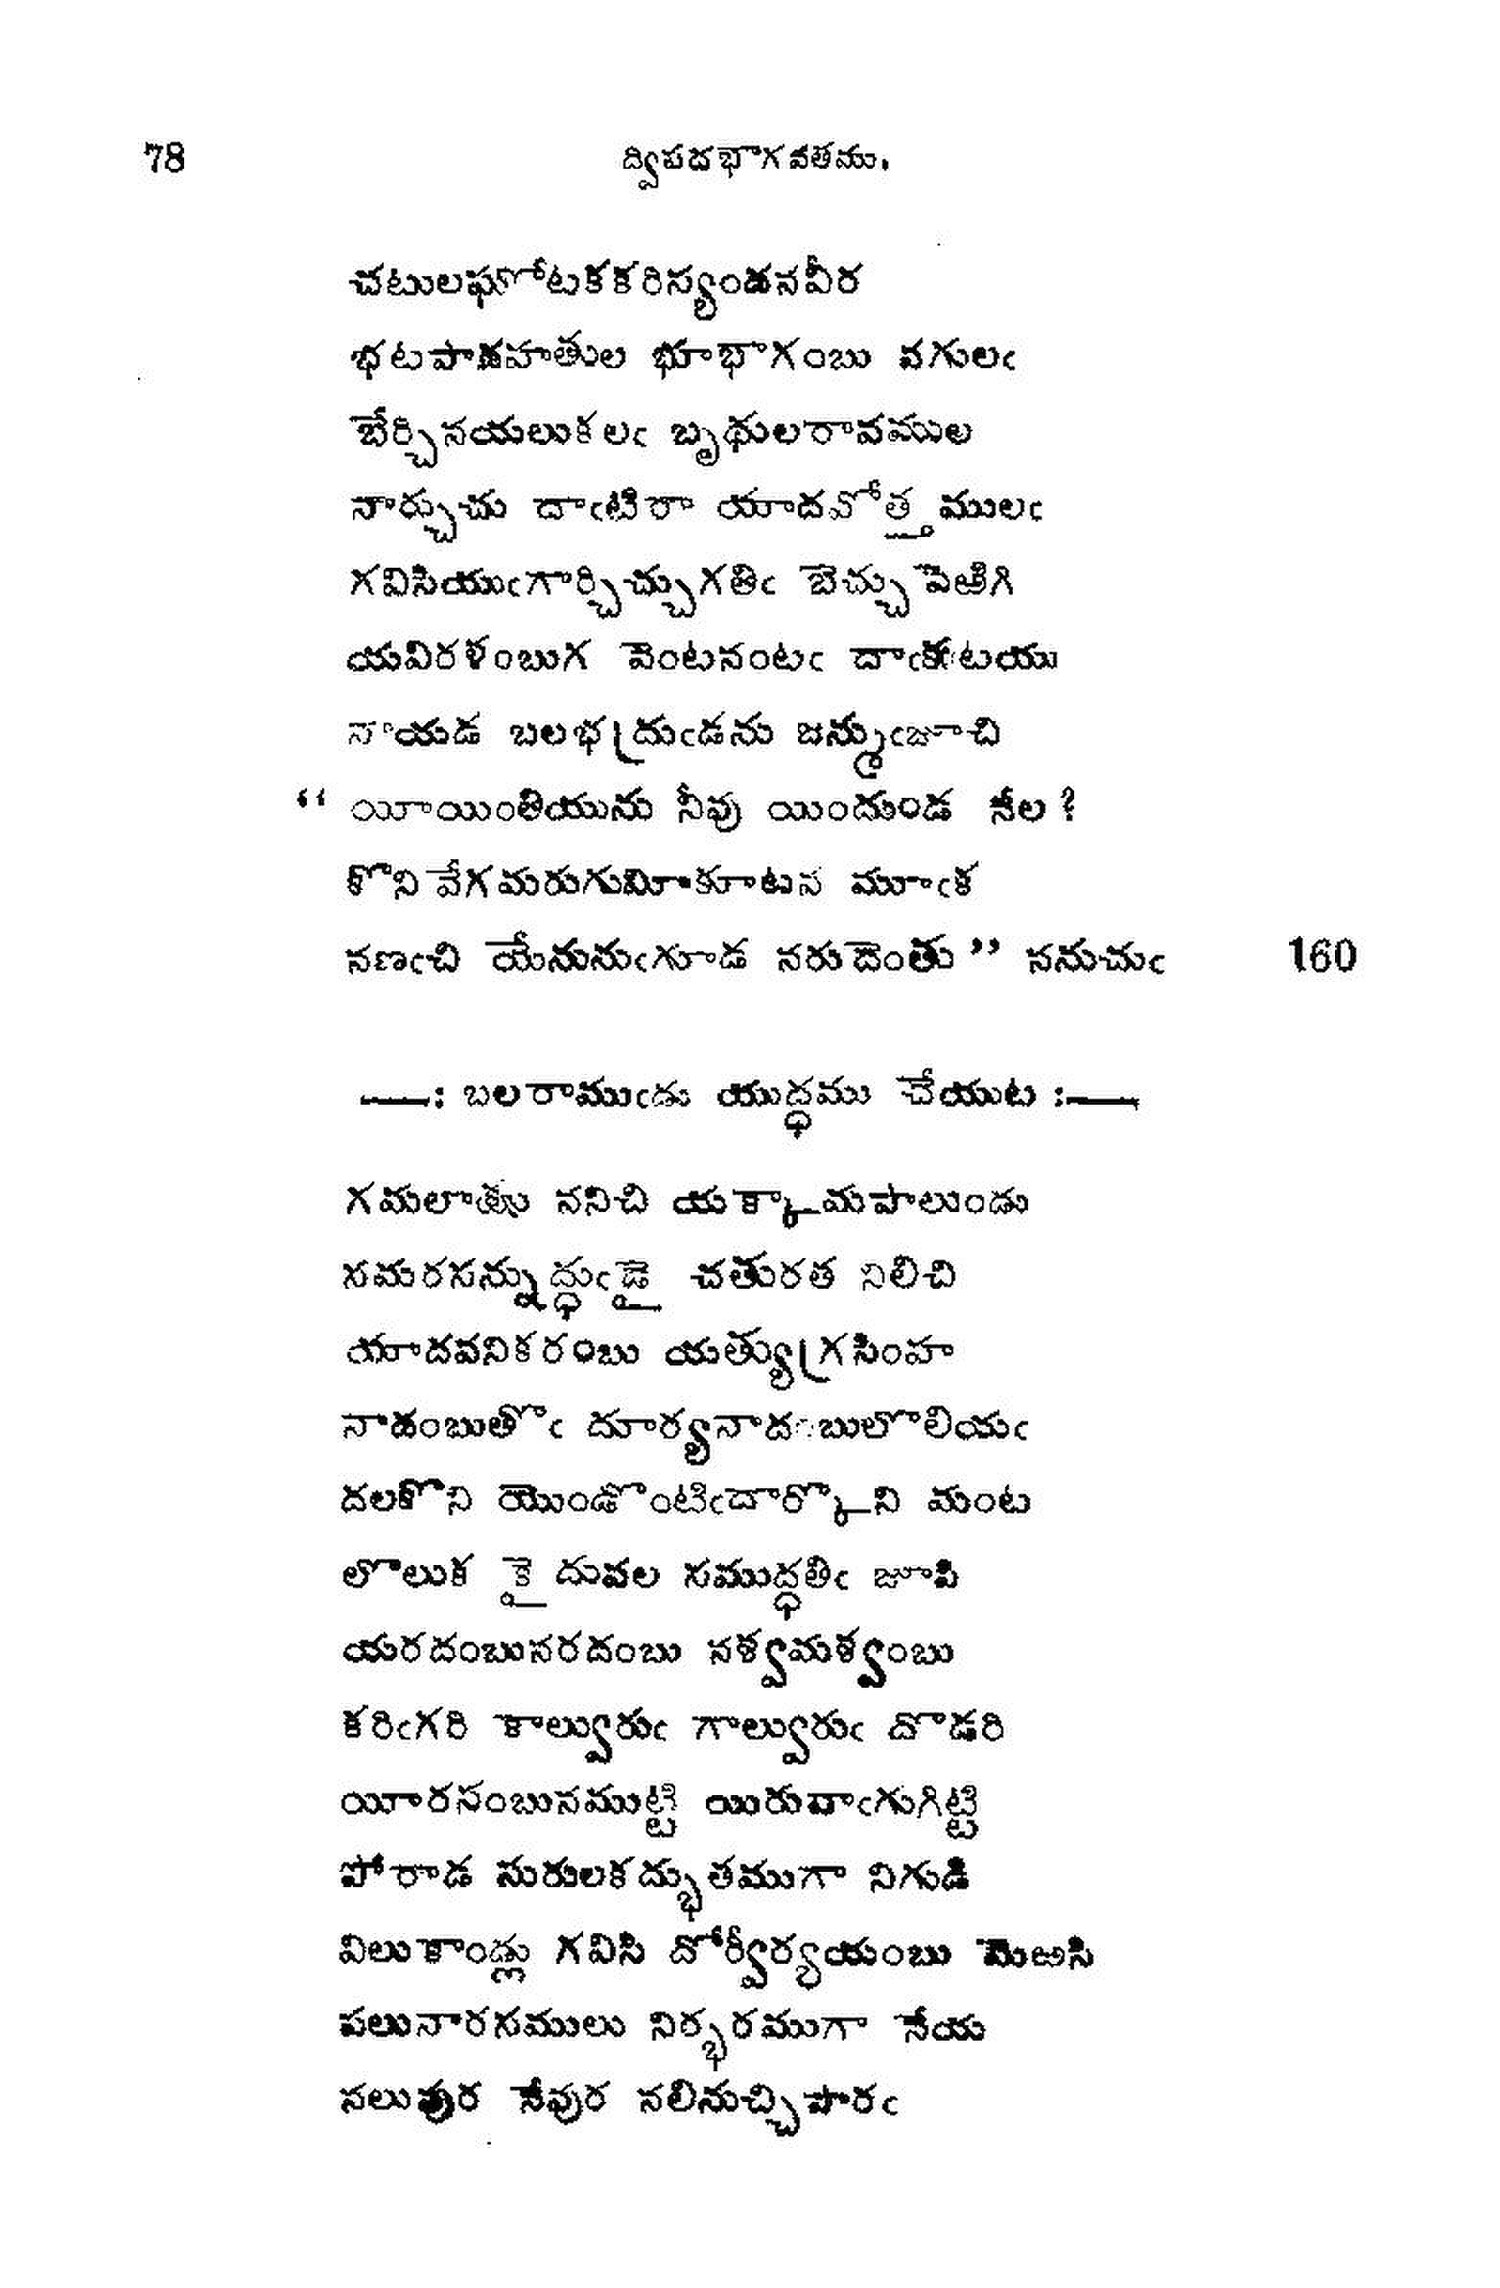చటులఘోటకకరిస్యందనవీర
భటపాదహతుల భూభాగంబు వగులఁ
బేర్చినయలుకలఁ బృథులరావముల
నార్చుచు దాటిరా యాదవోత్తములఁ
గవిసియుఁ గార్చిచ్చుగతిఁ బెచ్చు పెఱిగి
యవిరళంబుగ వెంటనంటఁ దాఁకుటయు
నాయడ బలభద్రుఁ డనుజన్ముఁ జూచి
“యీయింతయును నీవు యిందుండ నేల?
కొని వేగ మరుగు మీకూటపమూఁక
నణఁచి యేనునుఁగూడ నరుదెంతు" ననుచుఁ

గమలాక్షు ననిచి యక్కామపాలుండు
సమరసన్నుద్ధుఁడై చతురత నిలిచి
యాదవనికరంబు యత్యుగ్రసింహ
నాదంబుతోఁ దూర్యనాదంబు లొలియఁ
దలకొని యొండొంటిఁ దార్కొని మంట
లొలుక కైదువల సముద్ధతిఁ జూపి
యరదంబు నరదంబు నశ్వ మశ్వంబు
కరిఁ గరి కాల్వురుఁ గాల్వురుఁ దొడరి
యీరసంబున ముట్టి యిరువాఁగు గిట్టి
పోరాడ సురుల కద్భుతముగా నిగుడి
విలుకాండ్లు గవిసి దోర్వీర్యయంబు మెఱసి
పలునారసములు నిర్భరముగా నేయ
నలువురు నేవుర నలినుచ్చిపారఁ